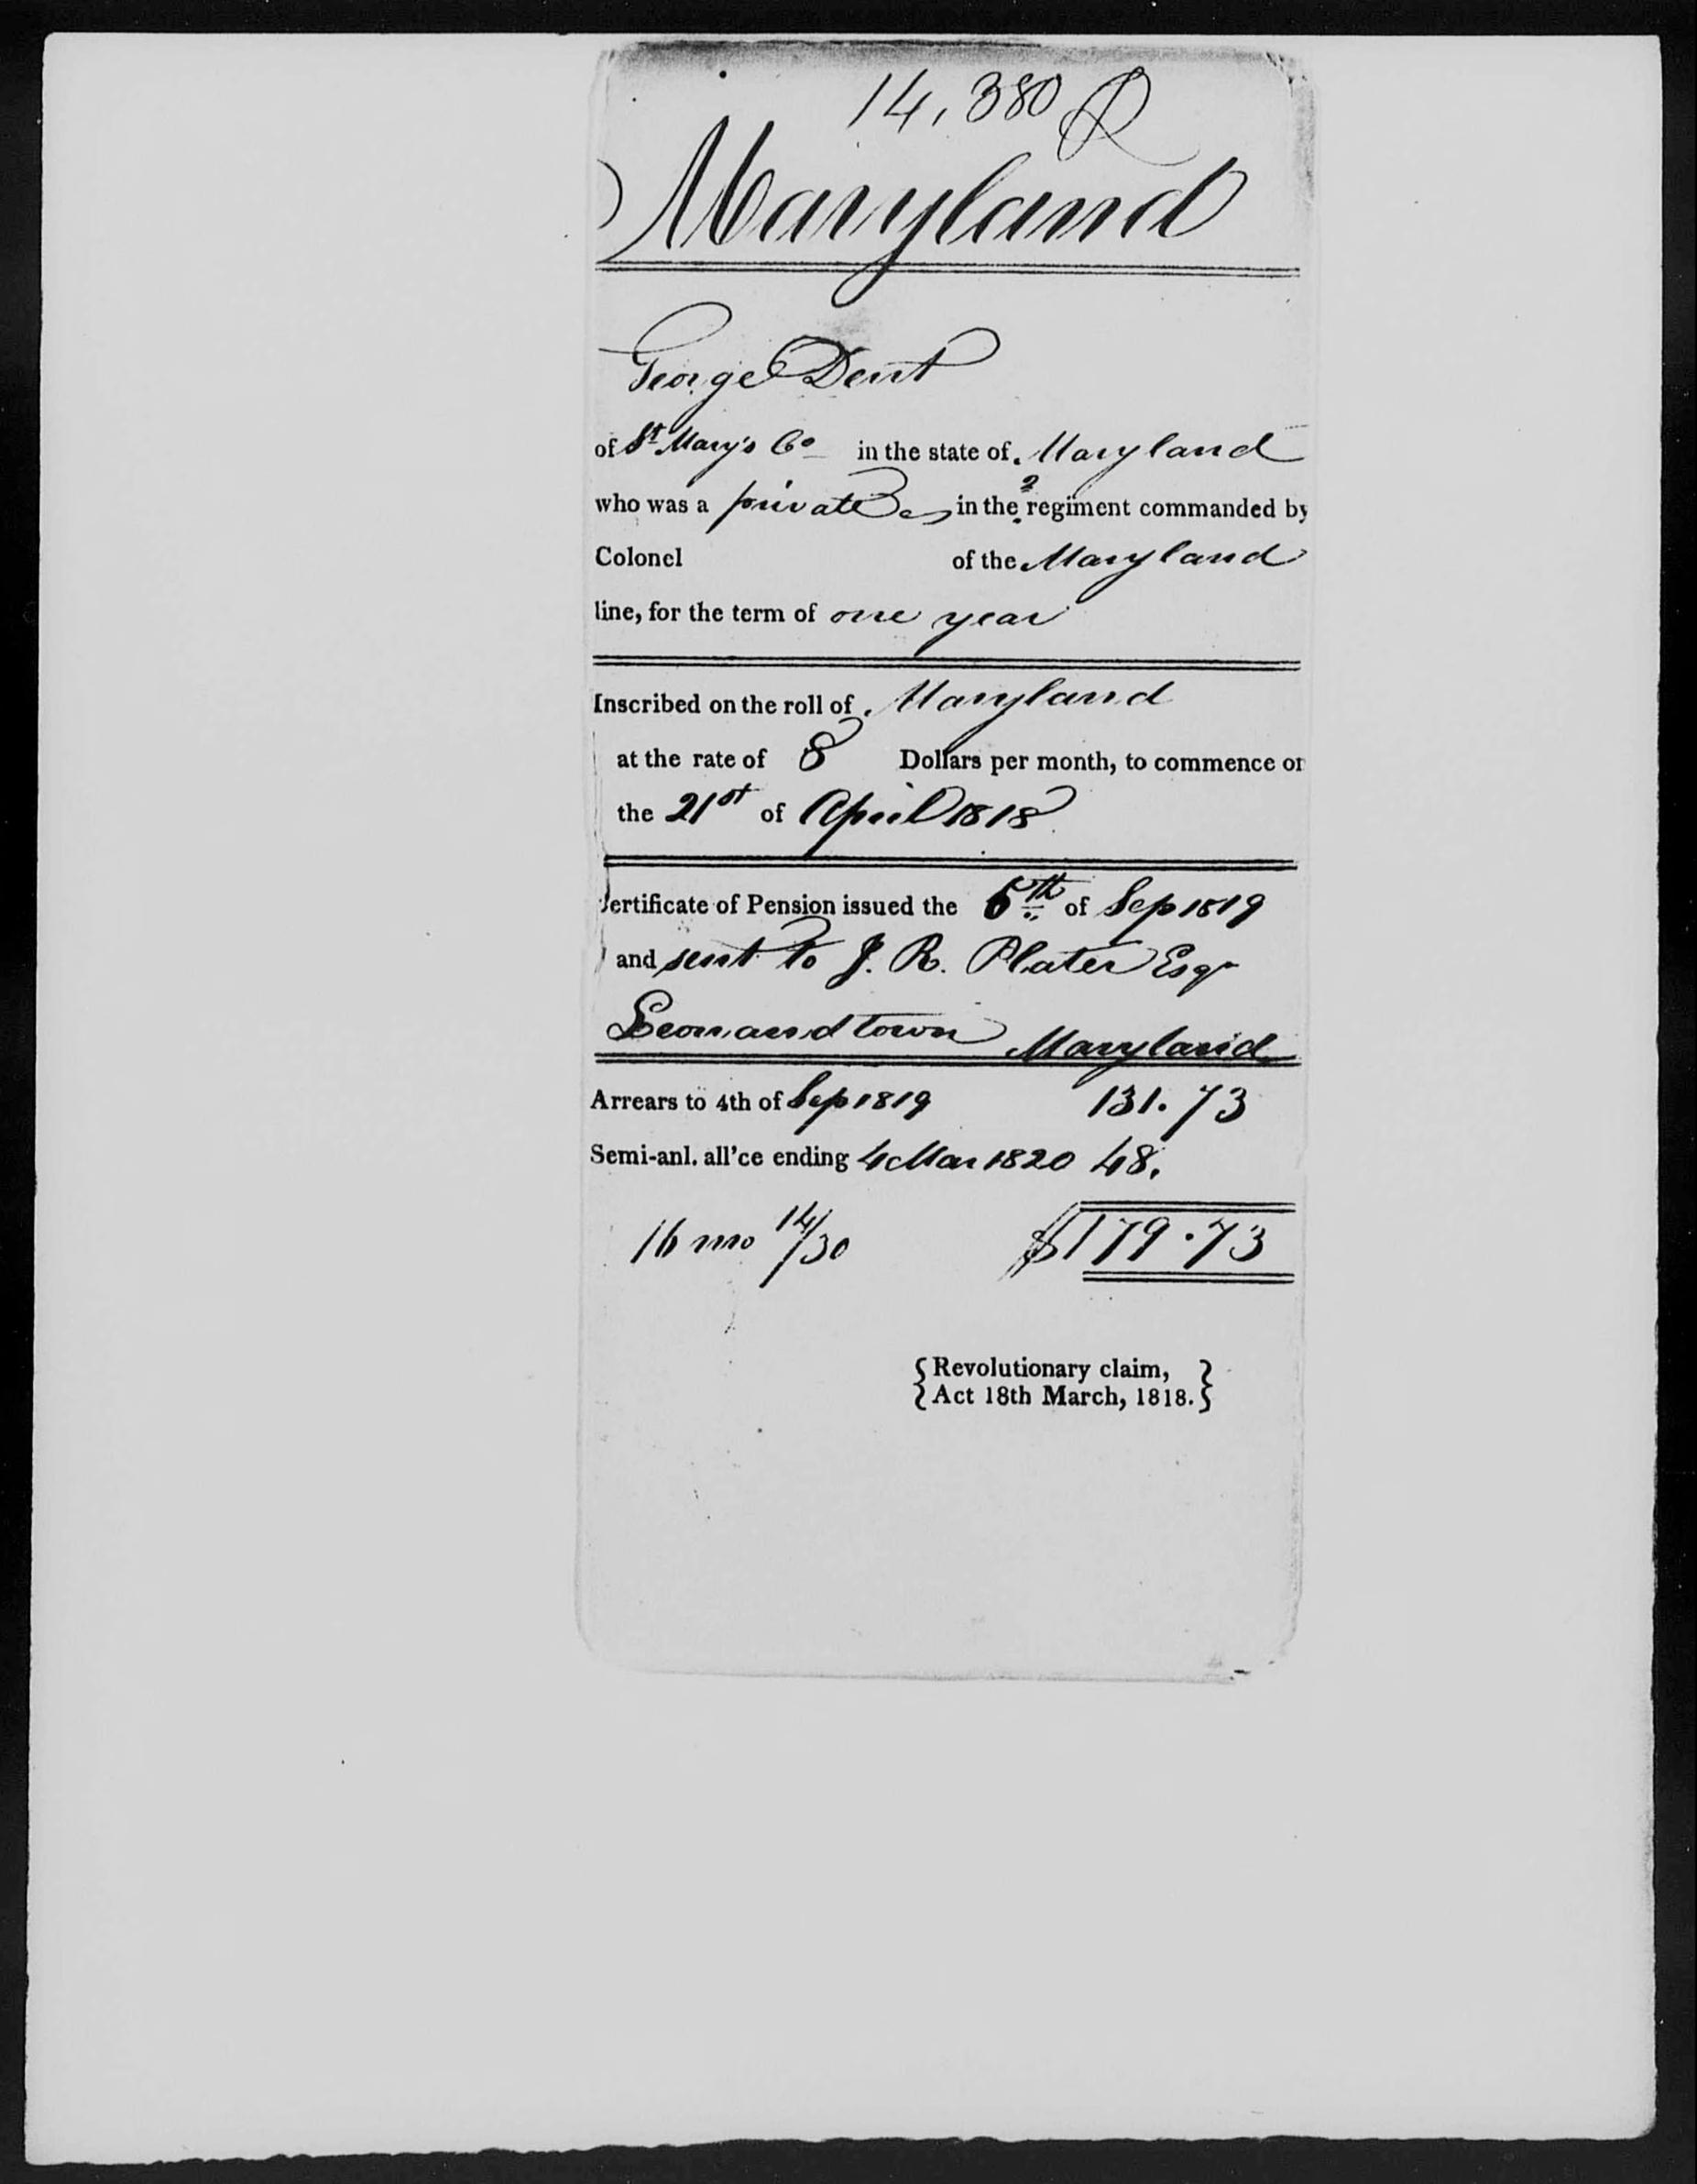Service  Md
Dent, George
Number S. 12755
leared [carded]

George Dent of St Mary's Co in the State of Maryland who was a private in the regiment commanded by Colonel of the Maryland line, for the term of one year Inscribed on the roll of Maryland at the rate of 8 Dollars per month, to commence on the 21st of April 1818 Certificate of Pension issued the 6th of Sep 1819 and sent to J.R. Plater Esq Leonardtown Maryland Arrears to 4th of Sep 1819 131.73 Semi-anl. all'ce ending 4 Mar 1820 48. 16 mo 14/30 $179.73 --- {Revolutionary claim, Act 18th March, 1818.}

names: George Dent, J R Plater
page: 18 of 49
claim: survivor's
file: S. 12755, George Dent, Md.